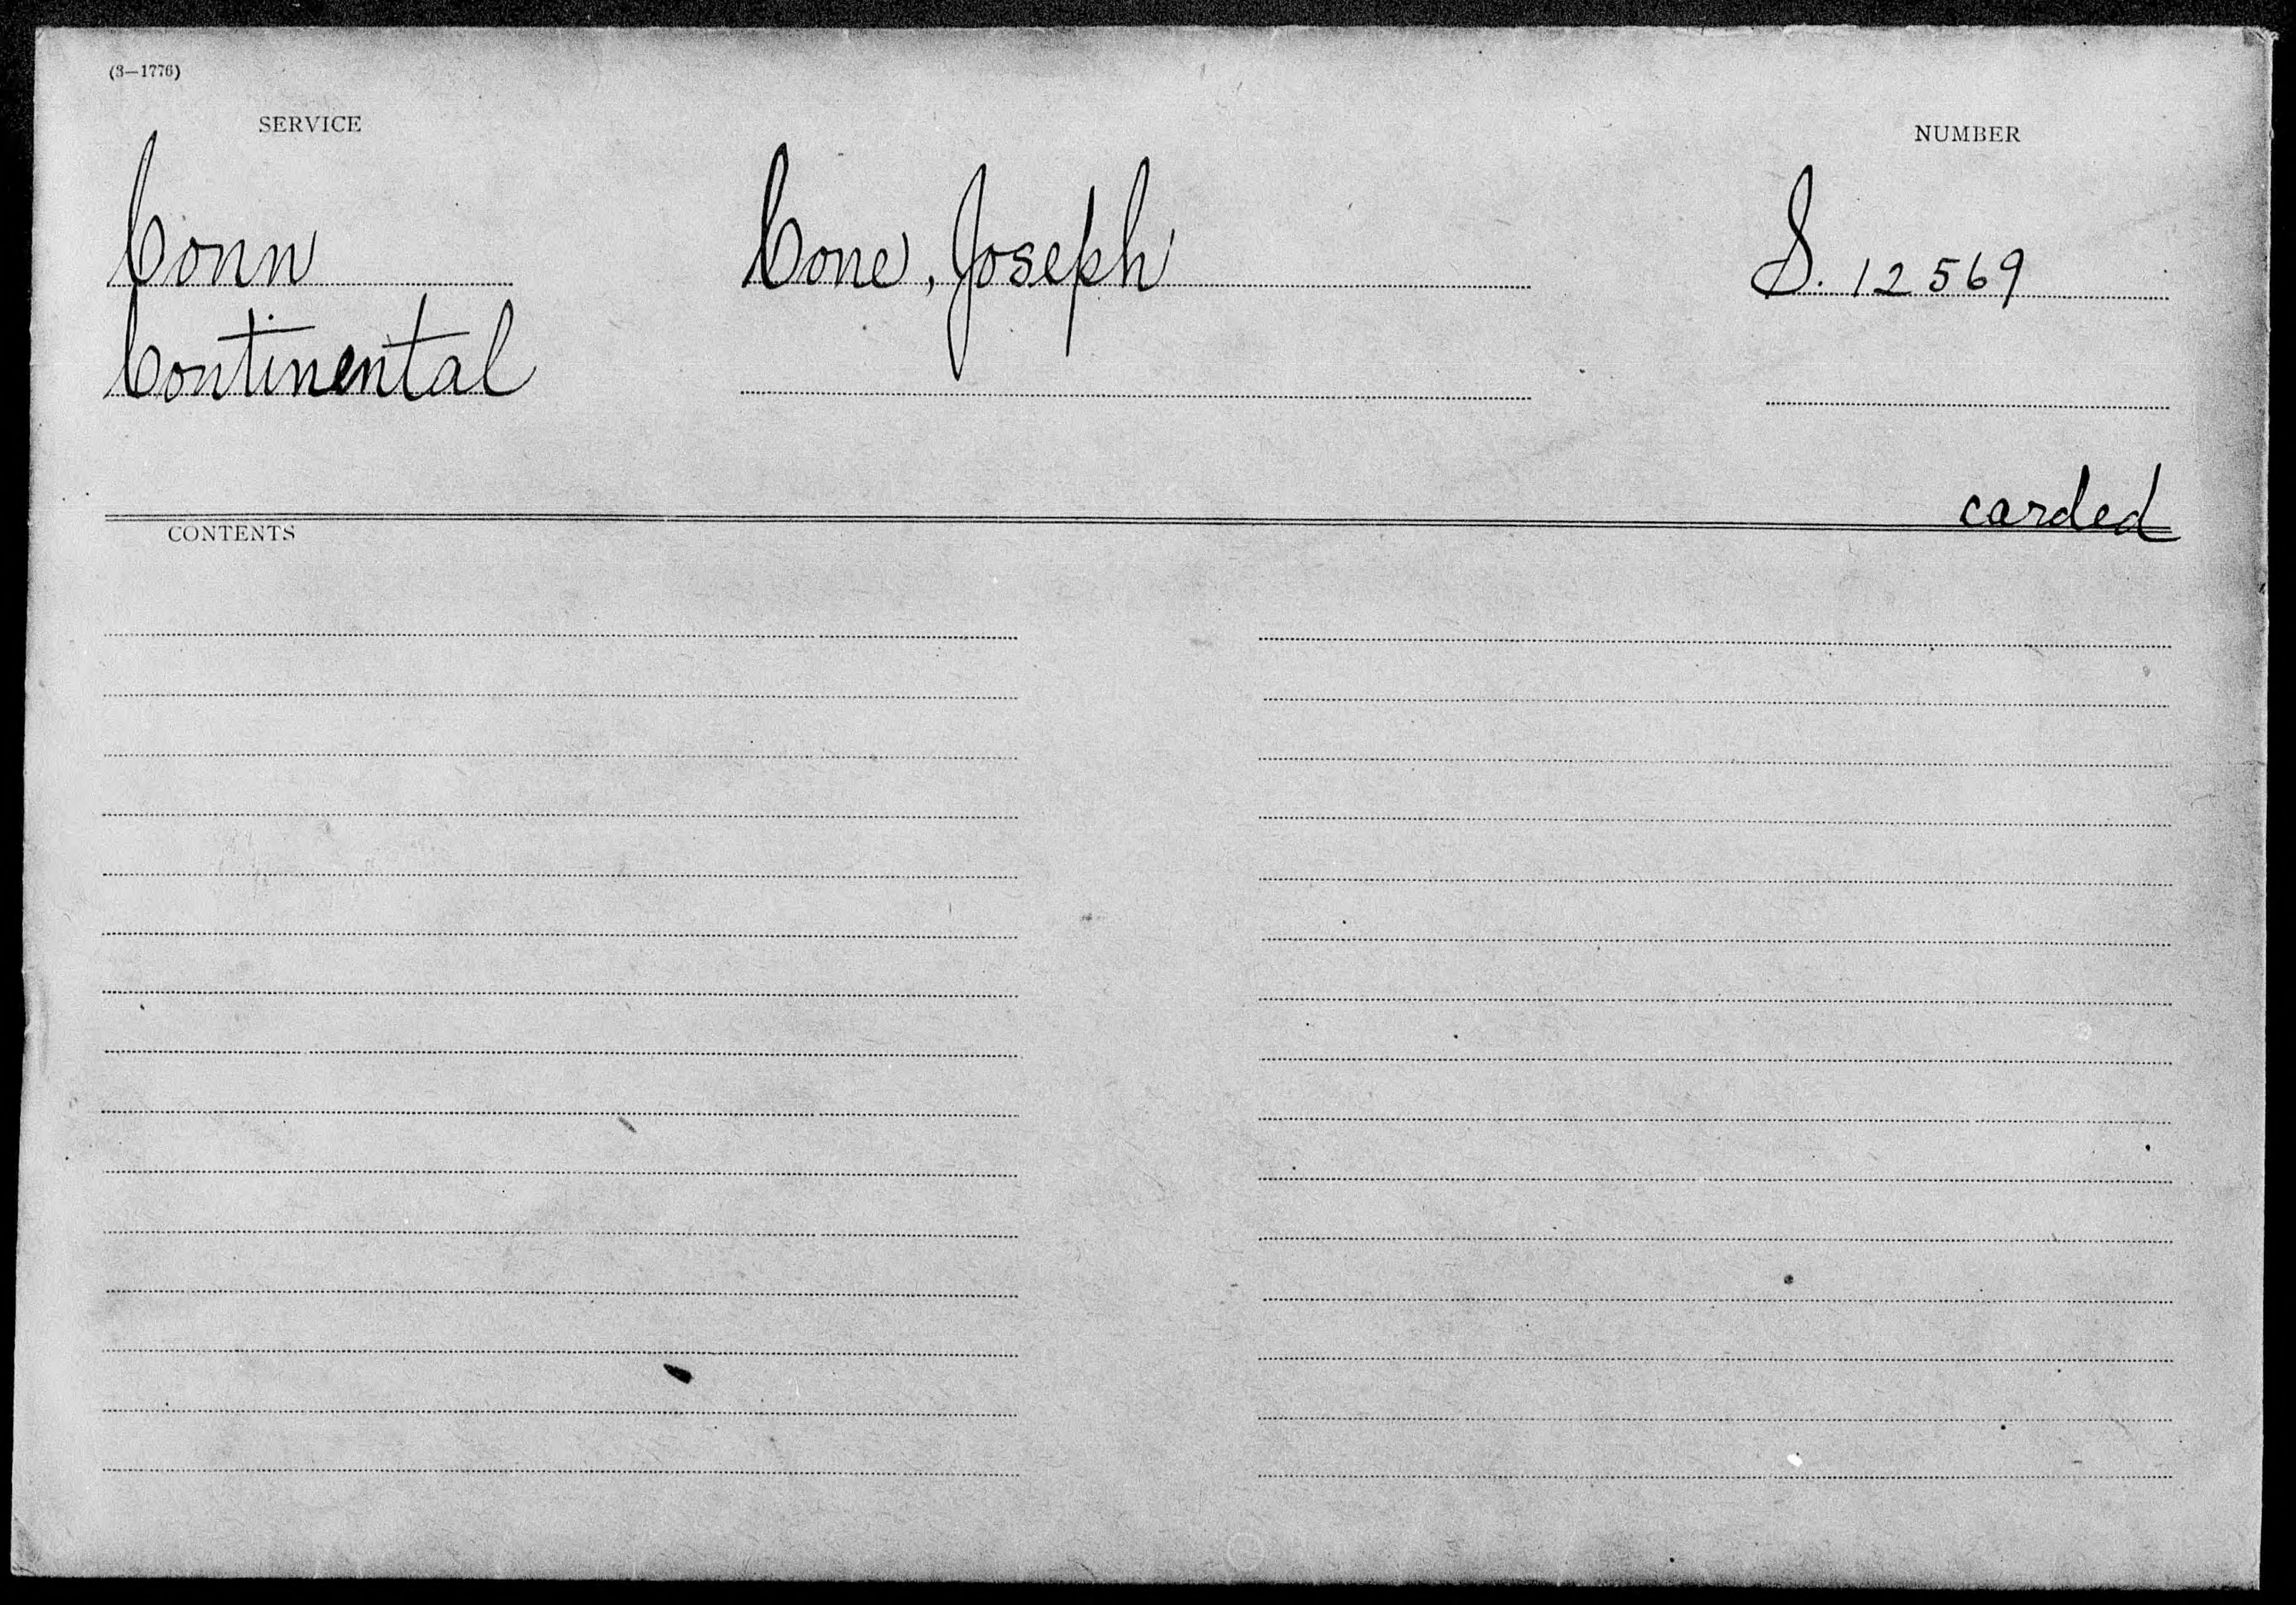SERVICE
Conn
Continental

Cone, Joseph

NUMBER
S. 12569
carded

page: 1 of 28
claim: survivor's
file: S. 12569, Joseph Cone, Conn Continental